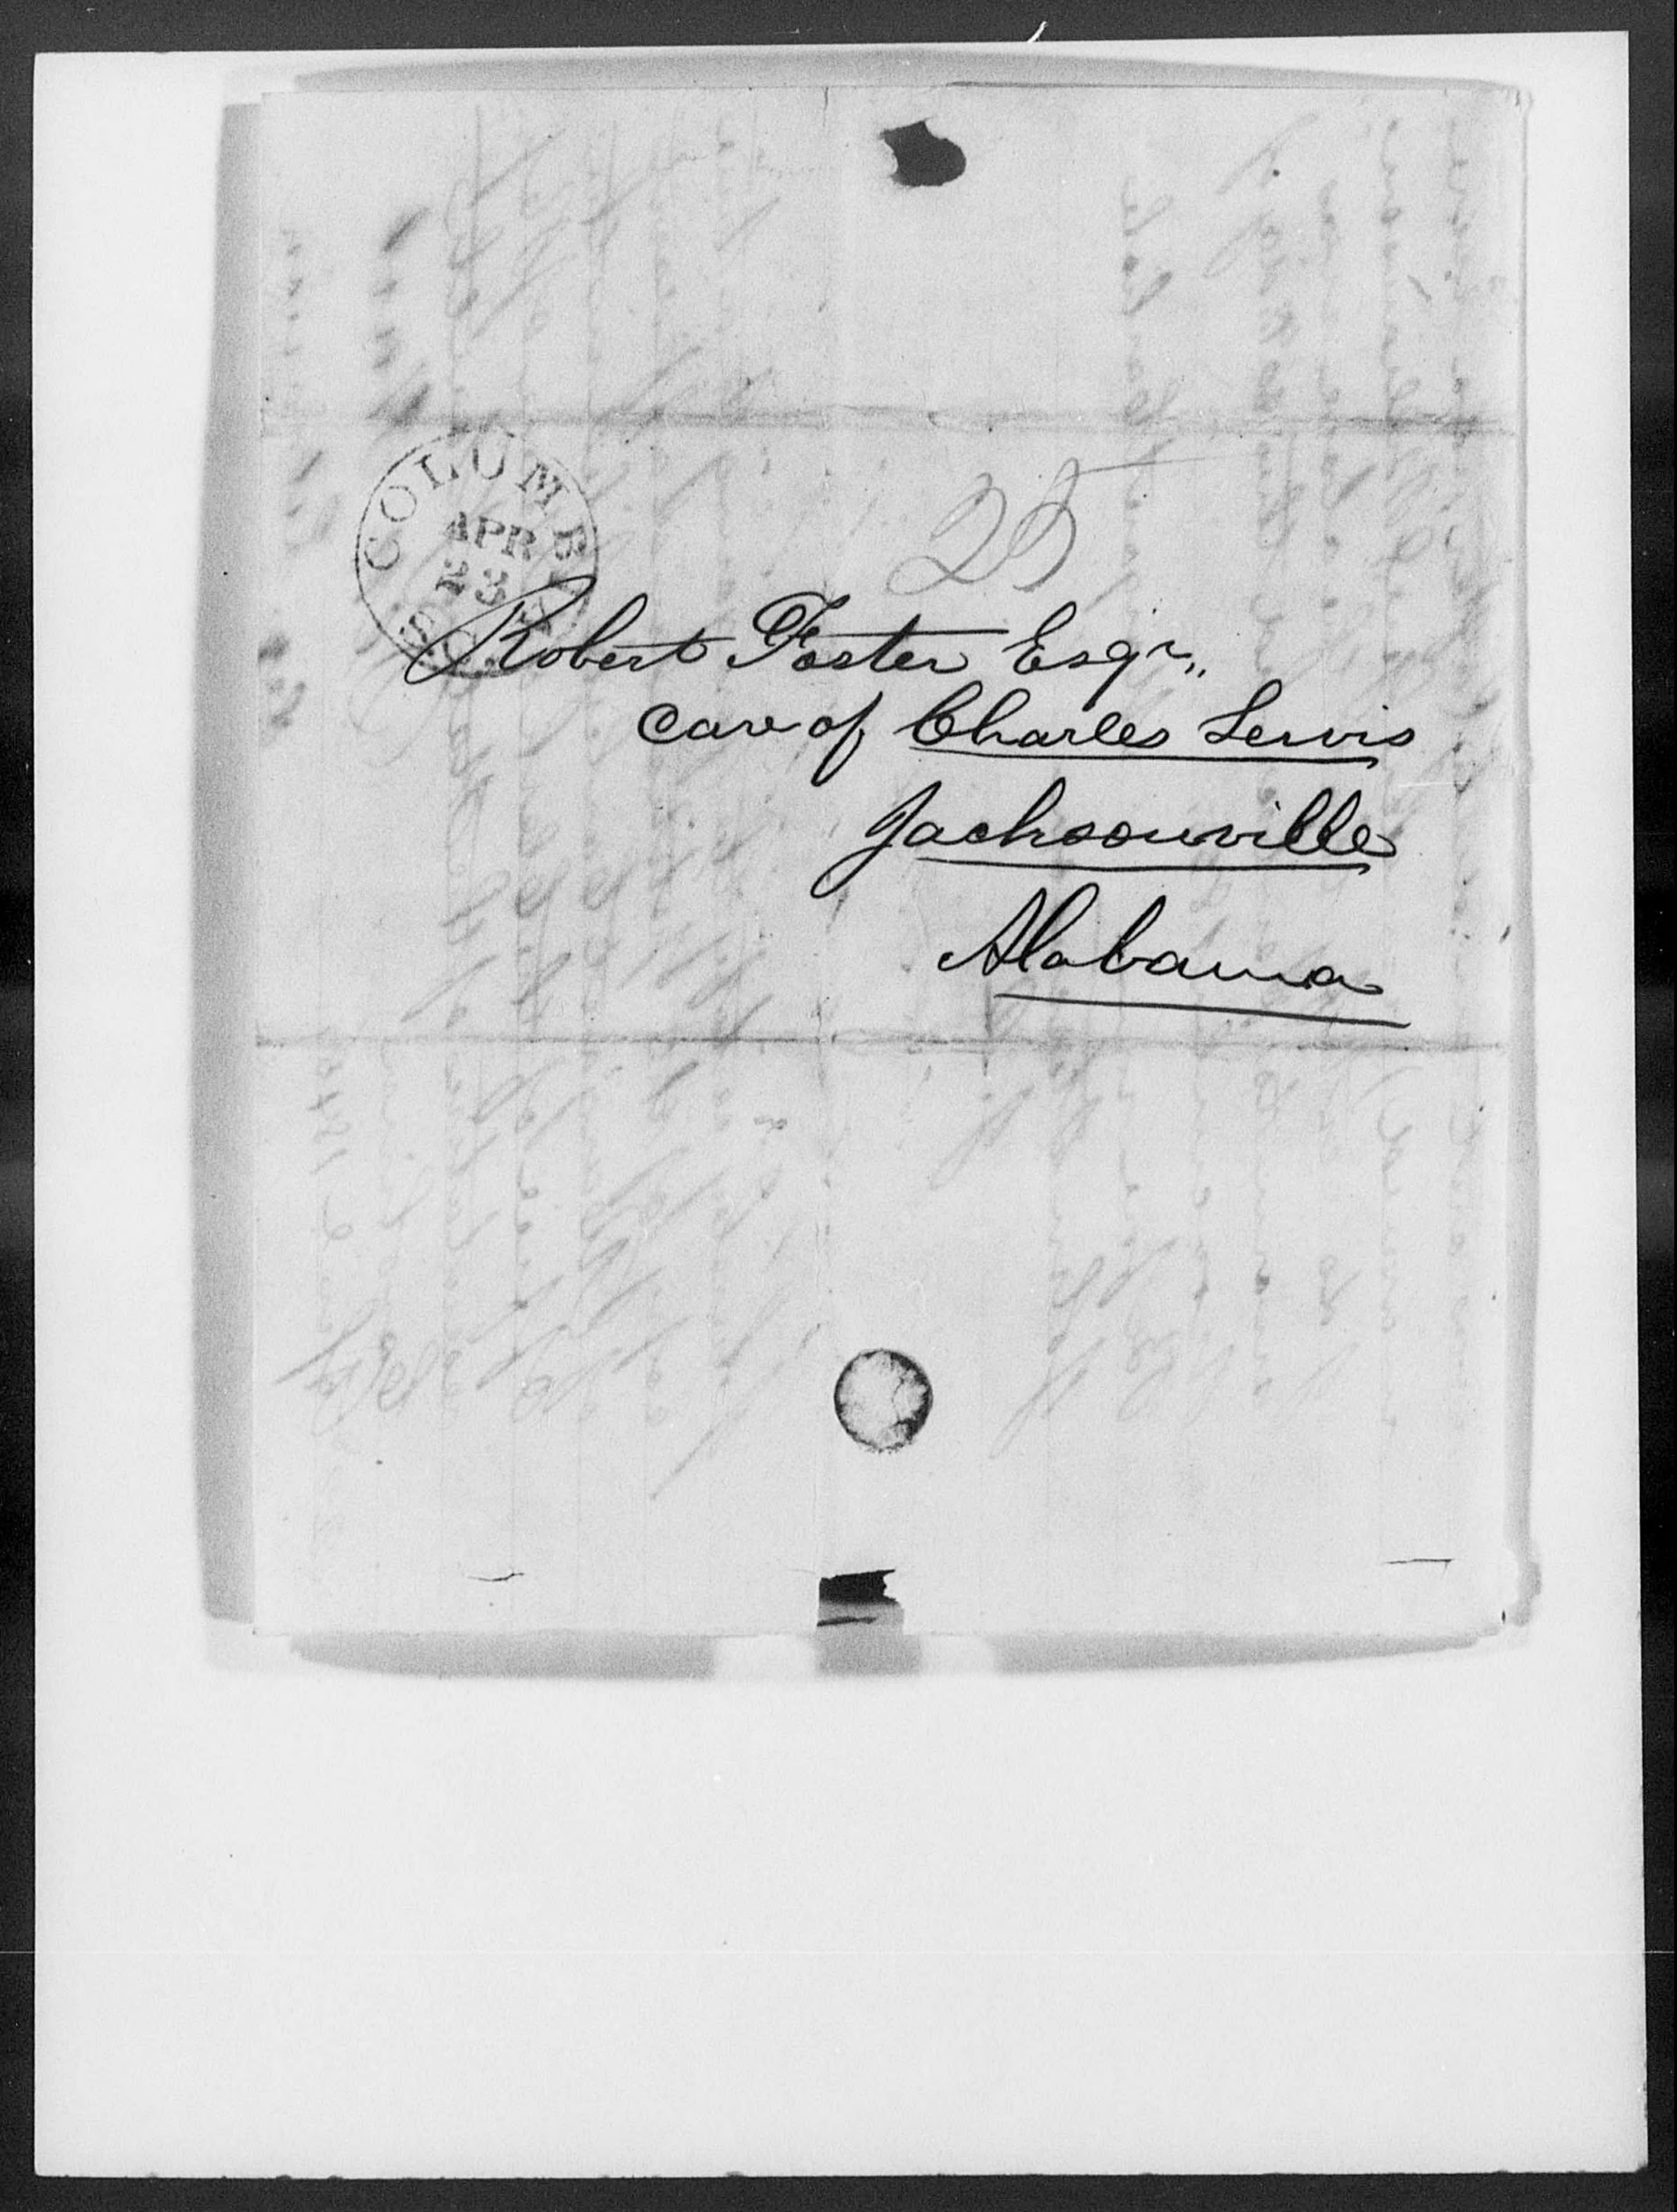[postal stamp]
COLUMBIA 
APR
23
S.C.

23

Robert Foster Esqr.
care of Charles Lewis
Jacksonville
Alabama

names: Charles Lewis, Robert Foster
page: 53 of 91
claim: widow's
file: W. 10576, Francis Carlisle, S.C.